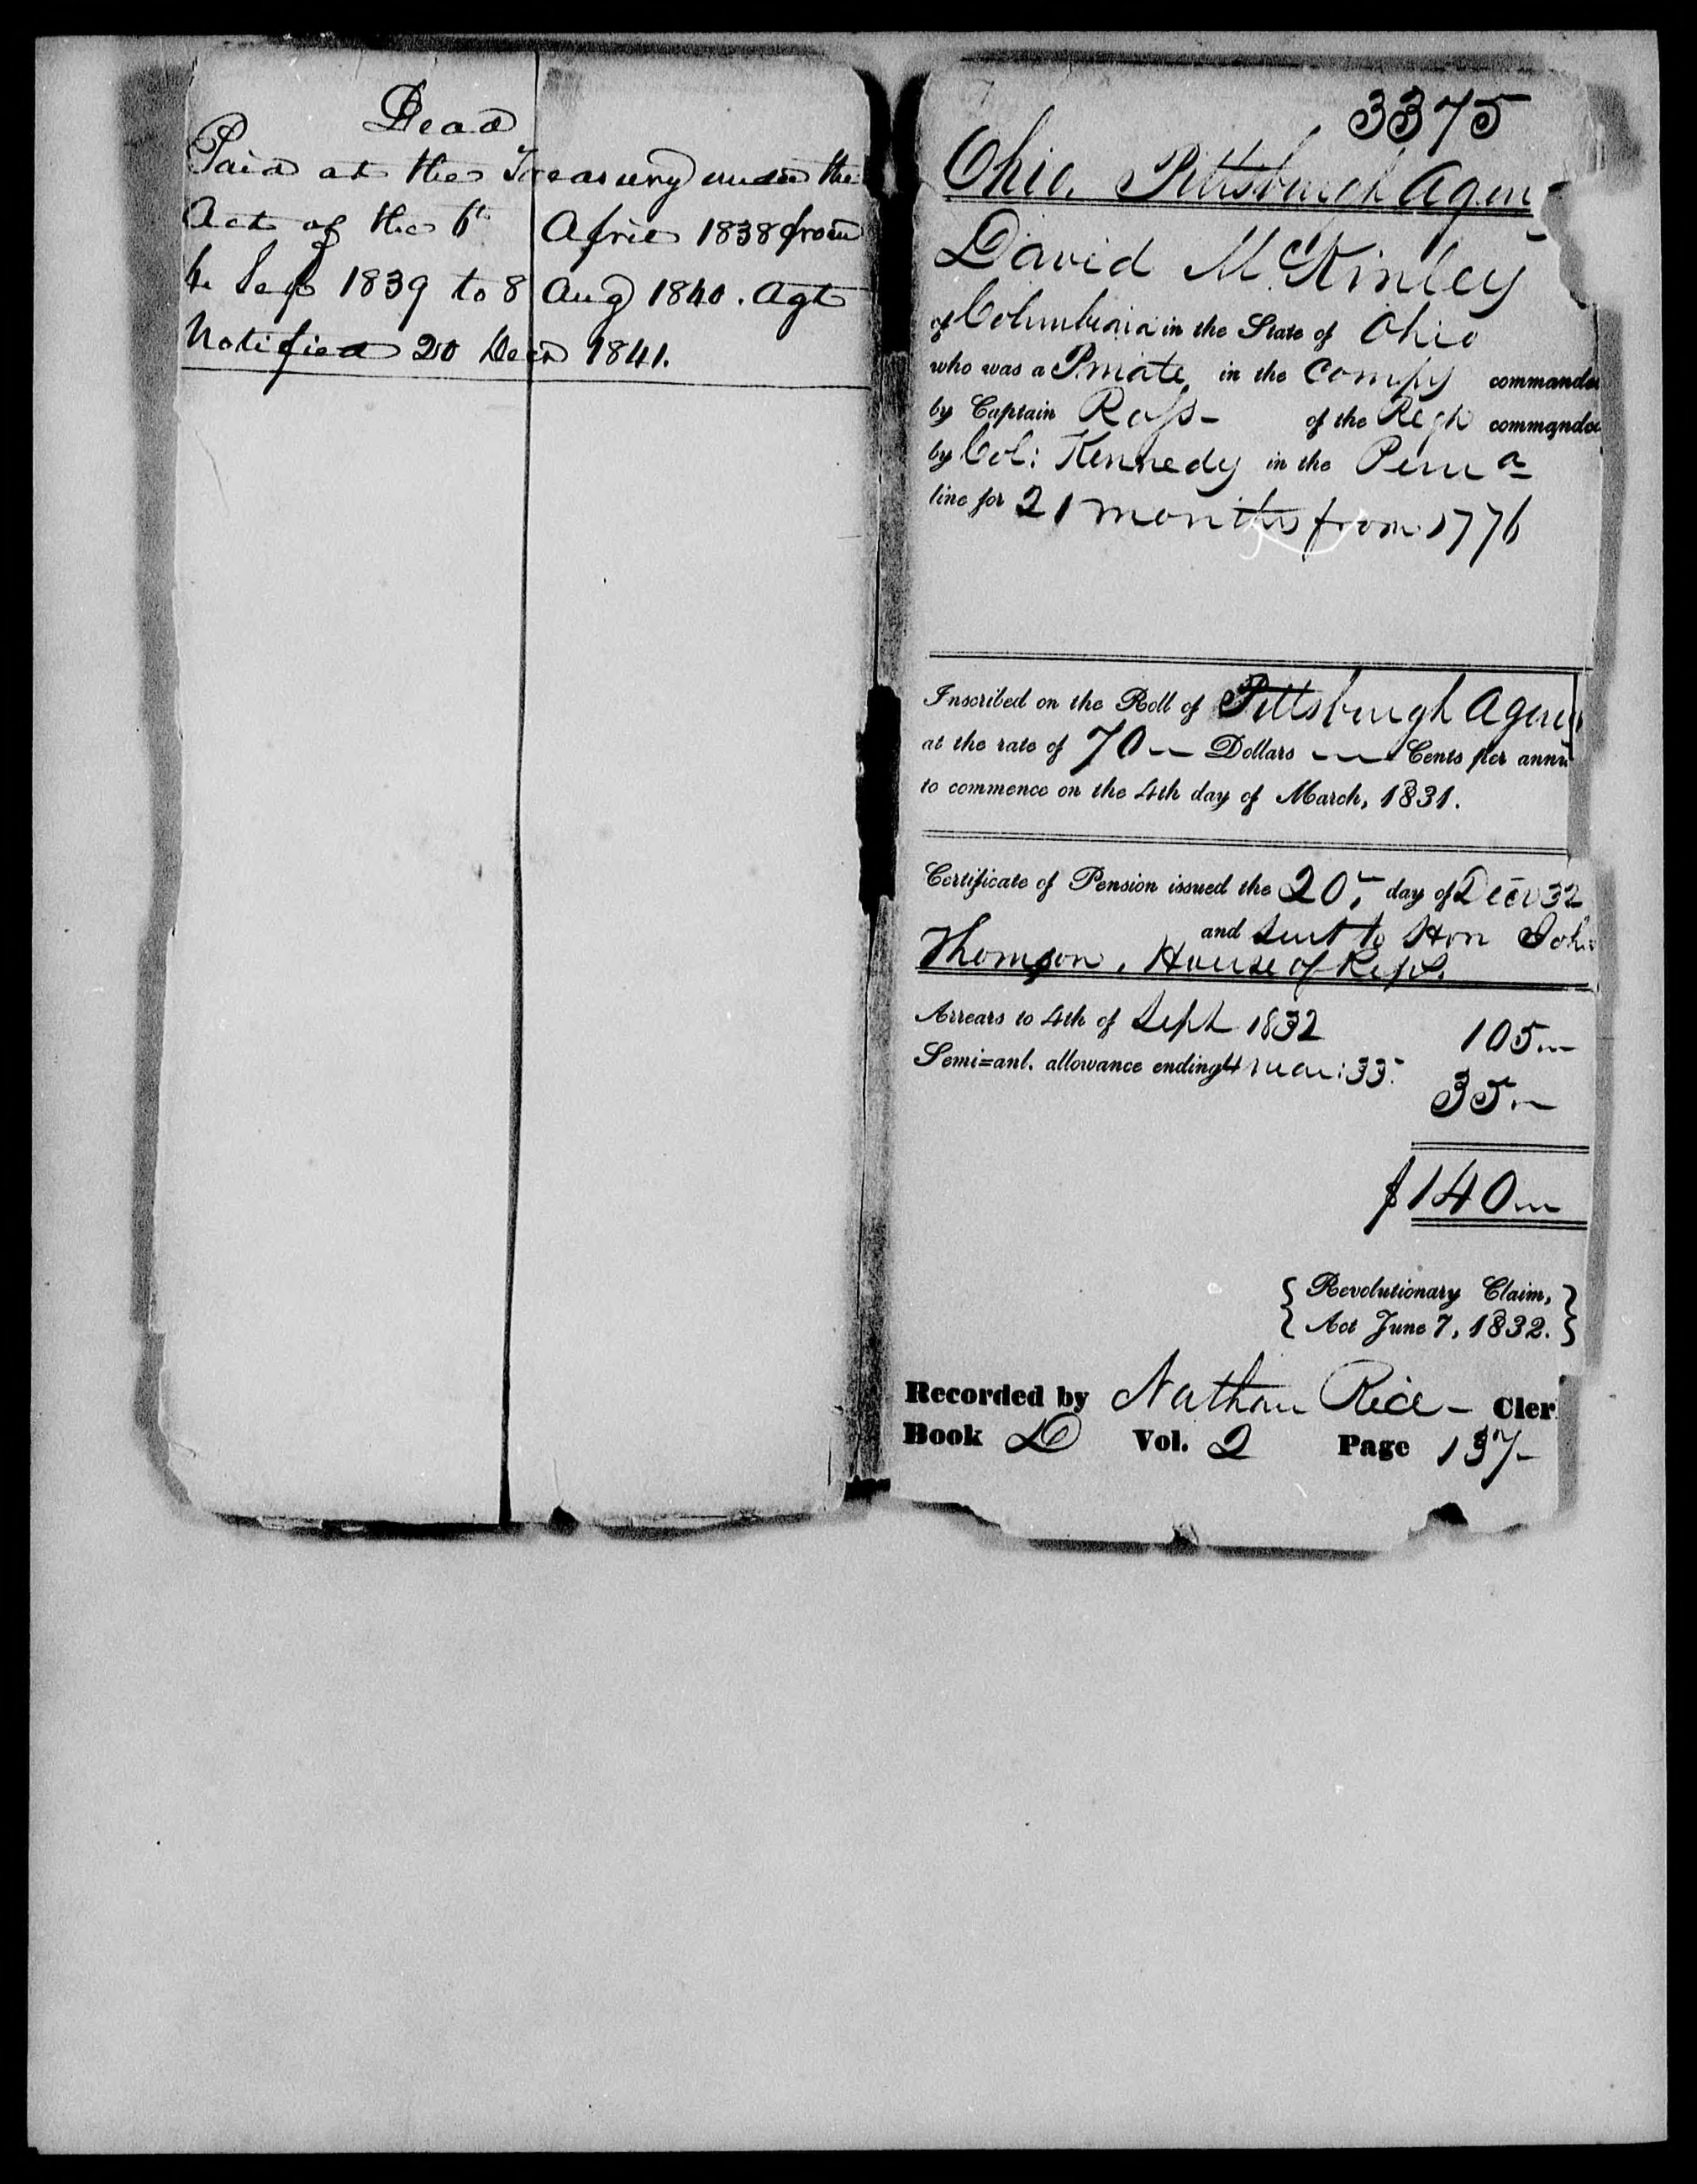Head
Paid at the Treasury under the
act of the 6th April 1838 from
4 Sep 1839 to 8 Aug 1840. Agt
notified 21 Dec 1841

3375
Ohio Pittsburgh Agency
David McKinley
of Columbiana in the State of Ohio
who was a Private in the Compy commanded
by Captain Ross of the Regl commanded
by Col. Kennedy in the Penna
line for 21 months from 1776

Inscribed on the Roll of Pittsburgh Agency
at the rate of 70 Dollars -- Cents per annum
to commence on the 4th day of March, 1831.

Certificate of Pension issued the 20th day of Decr 32
and sent to Hon John
Thompson, House of Rept
Arrears to 4th of Sept 1832                 105.00
Semi-anl. allowance ending 4 Mar: 33  35.00
                                                            $140

Revolutionary Claim,
Act June 7, 1832.
Recorded by Nathan Rice - Clerk
Book D Vol. 2 Page 137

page: 2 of 39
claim: survivor's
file: S. 2812, for David Mc Kinley, Pennsylvania